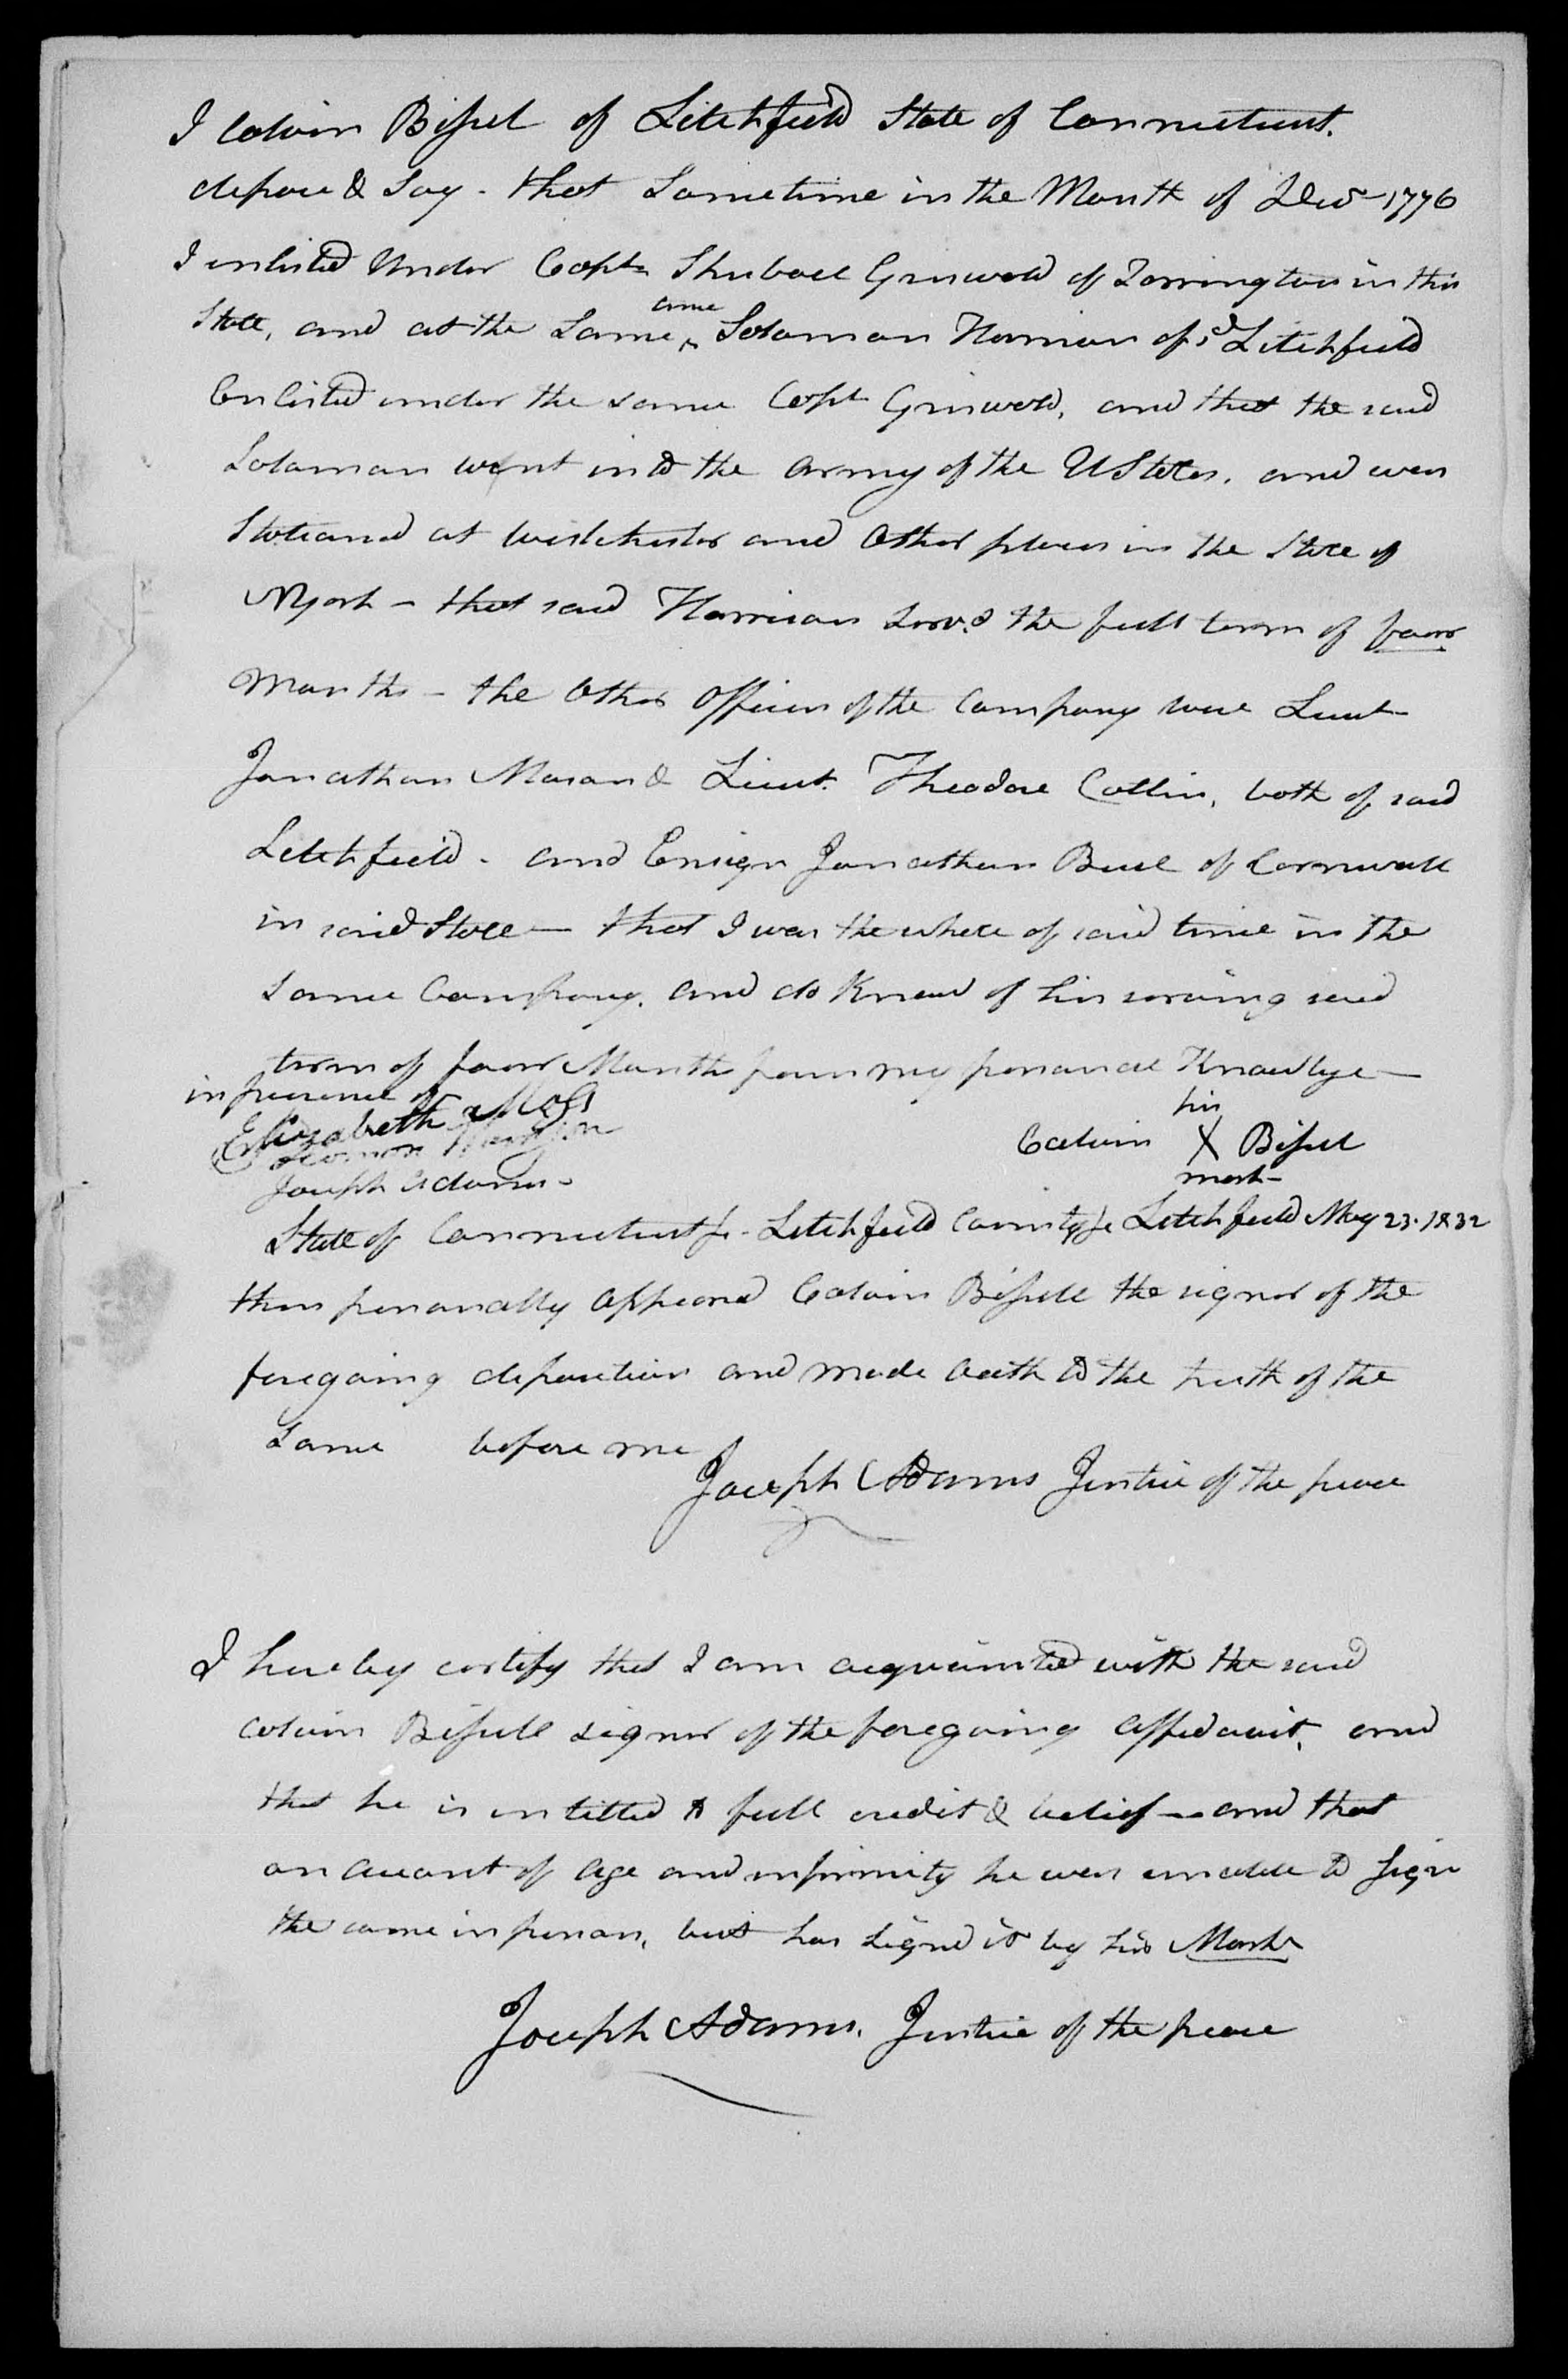I Calvin Bright of Litchfield State of Connecticut depose and say that sometime in the month of Dec 1776 I enlisted under Capt. Shubeal Griswold of Torrington in this State, and at the same time Soloman Harrison of Litchfield enlisted under the same Capt Griswold, and that the said Soloman went into the Army of the U States, and even stationed at Westchester and other places in the State of N York that said Harrison served the full term of four Months the other officer of the Company were Lieut Jonathan Mason & Lieut. Theodore Catlin, both of said Litchfield and Ensign Jonathan Buel of Cornwall in said State - that I was the whole of said time in the same Company, and do know of his serving said term of four months from my personal knowledge
Calvin Bissel [ X his mark]

in presence
Elizabeth Moss

Joseph Adam
State of Connecticut Litchfield County ss. Litchfield May 23, 1832 then personally appeared Calvin Bissell the signer of the foregoing deposition and made oath to the truth of the Same before me 
Joseph Adams Justice of the peace

I hereby certify that I am acquainted with the said Calvin Bissell signer of the foregoing affidavit and that he is entitled to full credit & belief and that on account of age and infirmity he was united to sign the same in person, but has signed it by his Mark
Joseph Adams, Justice of the peace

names: Theodore Catlin, Calvin Bissel, Jonathan Mason, Joseph Adams, Harrison, Solomon, Solomon Harrison, Elizabeth Moss, Joseph Adams, Calvin Bissell, Jonathan Buel, Calvin Bissell, Shubael Griswold, Joseph Adams, Solomon Harrison, Griswold, Calvin Bissel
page: 19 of 22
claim: survivor's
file: S. 16137, Solomon Harrison, Conn.